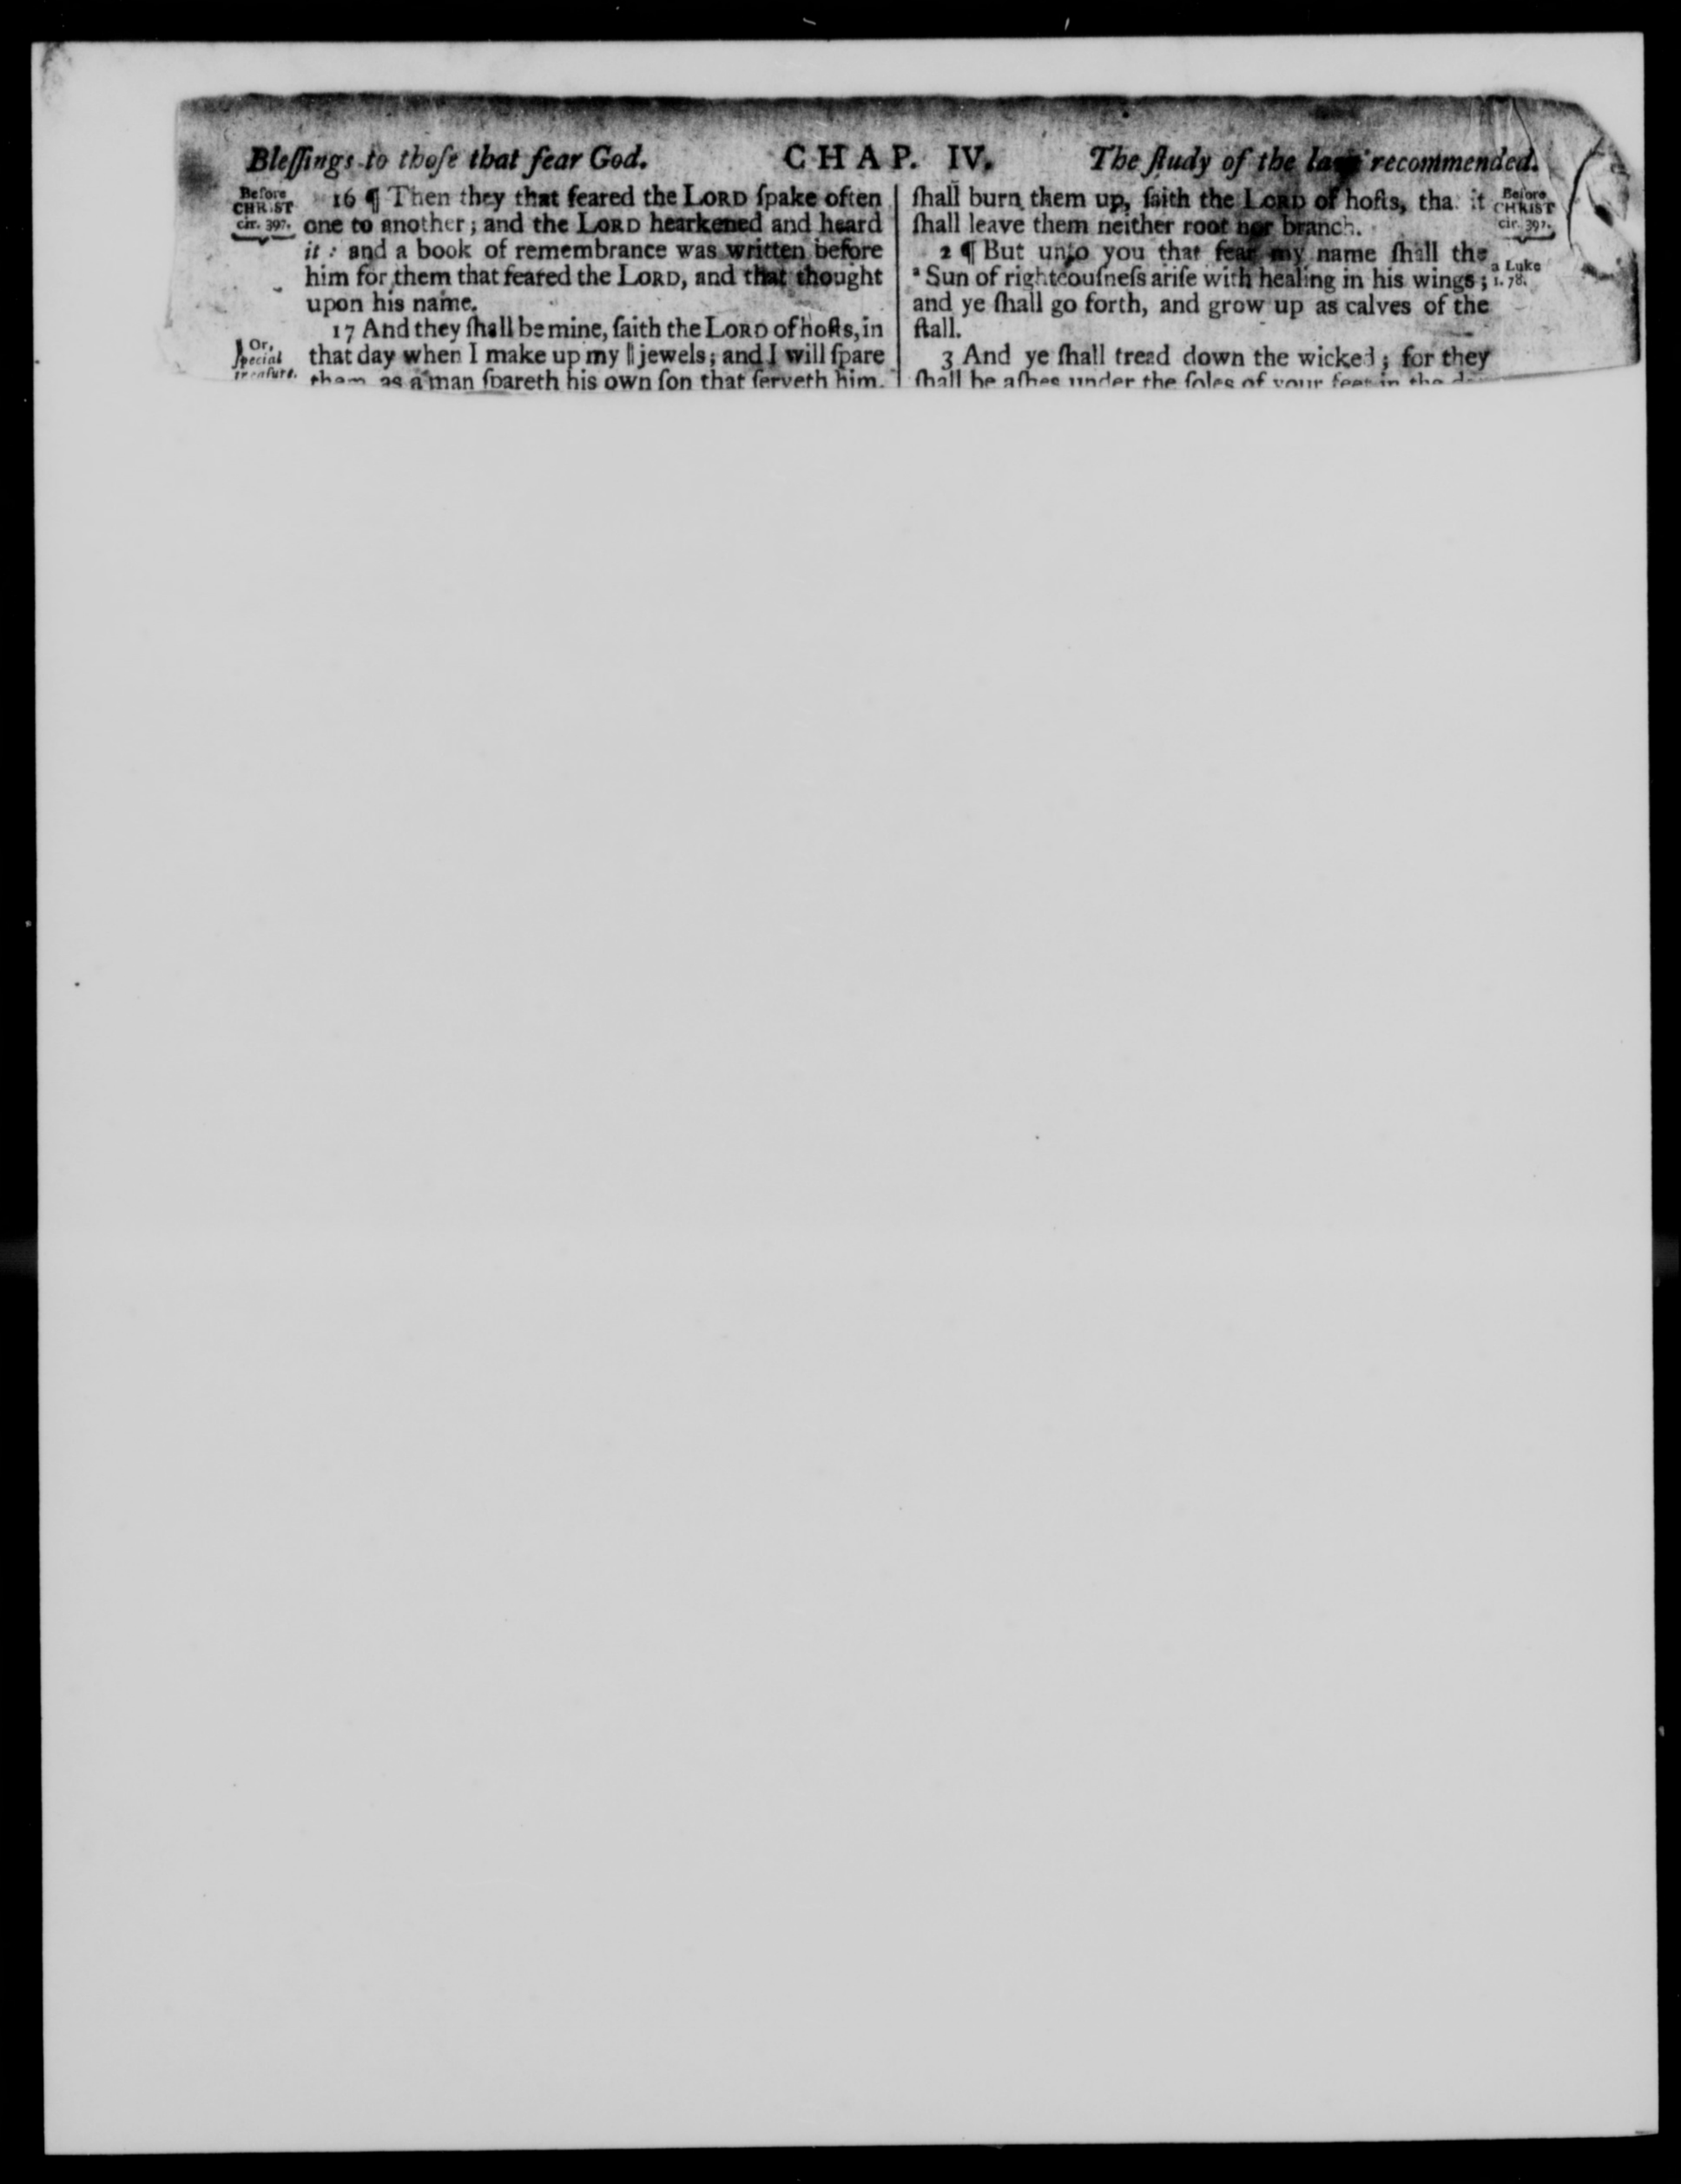Blessings to those that fear God    CHAP. IV.      The study of the Lord recommended.

[Page divided in half by a vertical line]

[Left side of the vertical line}

[in the left margin ] Before Christ Cir. 397 [In the left margin]

16  Then they that feared the Lord spake often one to another; and the Lord hearkened and heard it and a book of remembrance was written before him for them that feard the Lord, and that thought upon his name.

[in the left margin] Or special [illegible]

 17 And they shall be mine saith the Lord of hosts, in that day when I make up my jewels; and I will spare them as a man spareth his own son that serveth him.

[paper torn below this]

[Right side of the vertical line]

shall burn them up, saith the Lord of hosts, that it shall leave them neither root nor branch.

[In the right margin] Before Christ cir 39[illegible] [In the right margin]

2 But unto you that fear my name shall the Sun of rightiousness arise with healing in his wings

[In the right margin] Luke 1.78 [In the right margin]

and ye shall go forth, and grow up as calves of the stall.

3 And ye shall tread down the wicked; for they shall be [illegible] the soles of your feet in [illegible]

[paper torn below this]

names: [BLANK]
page: 8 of 73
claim: widow's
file: W. 3197, for Peter Stillwagon, New Jersey